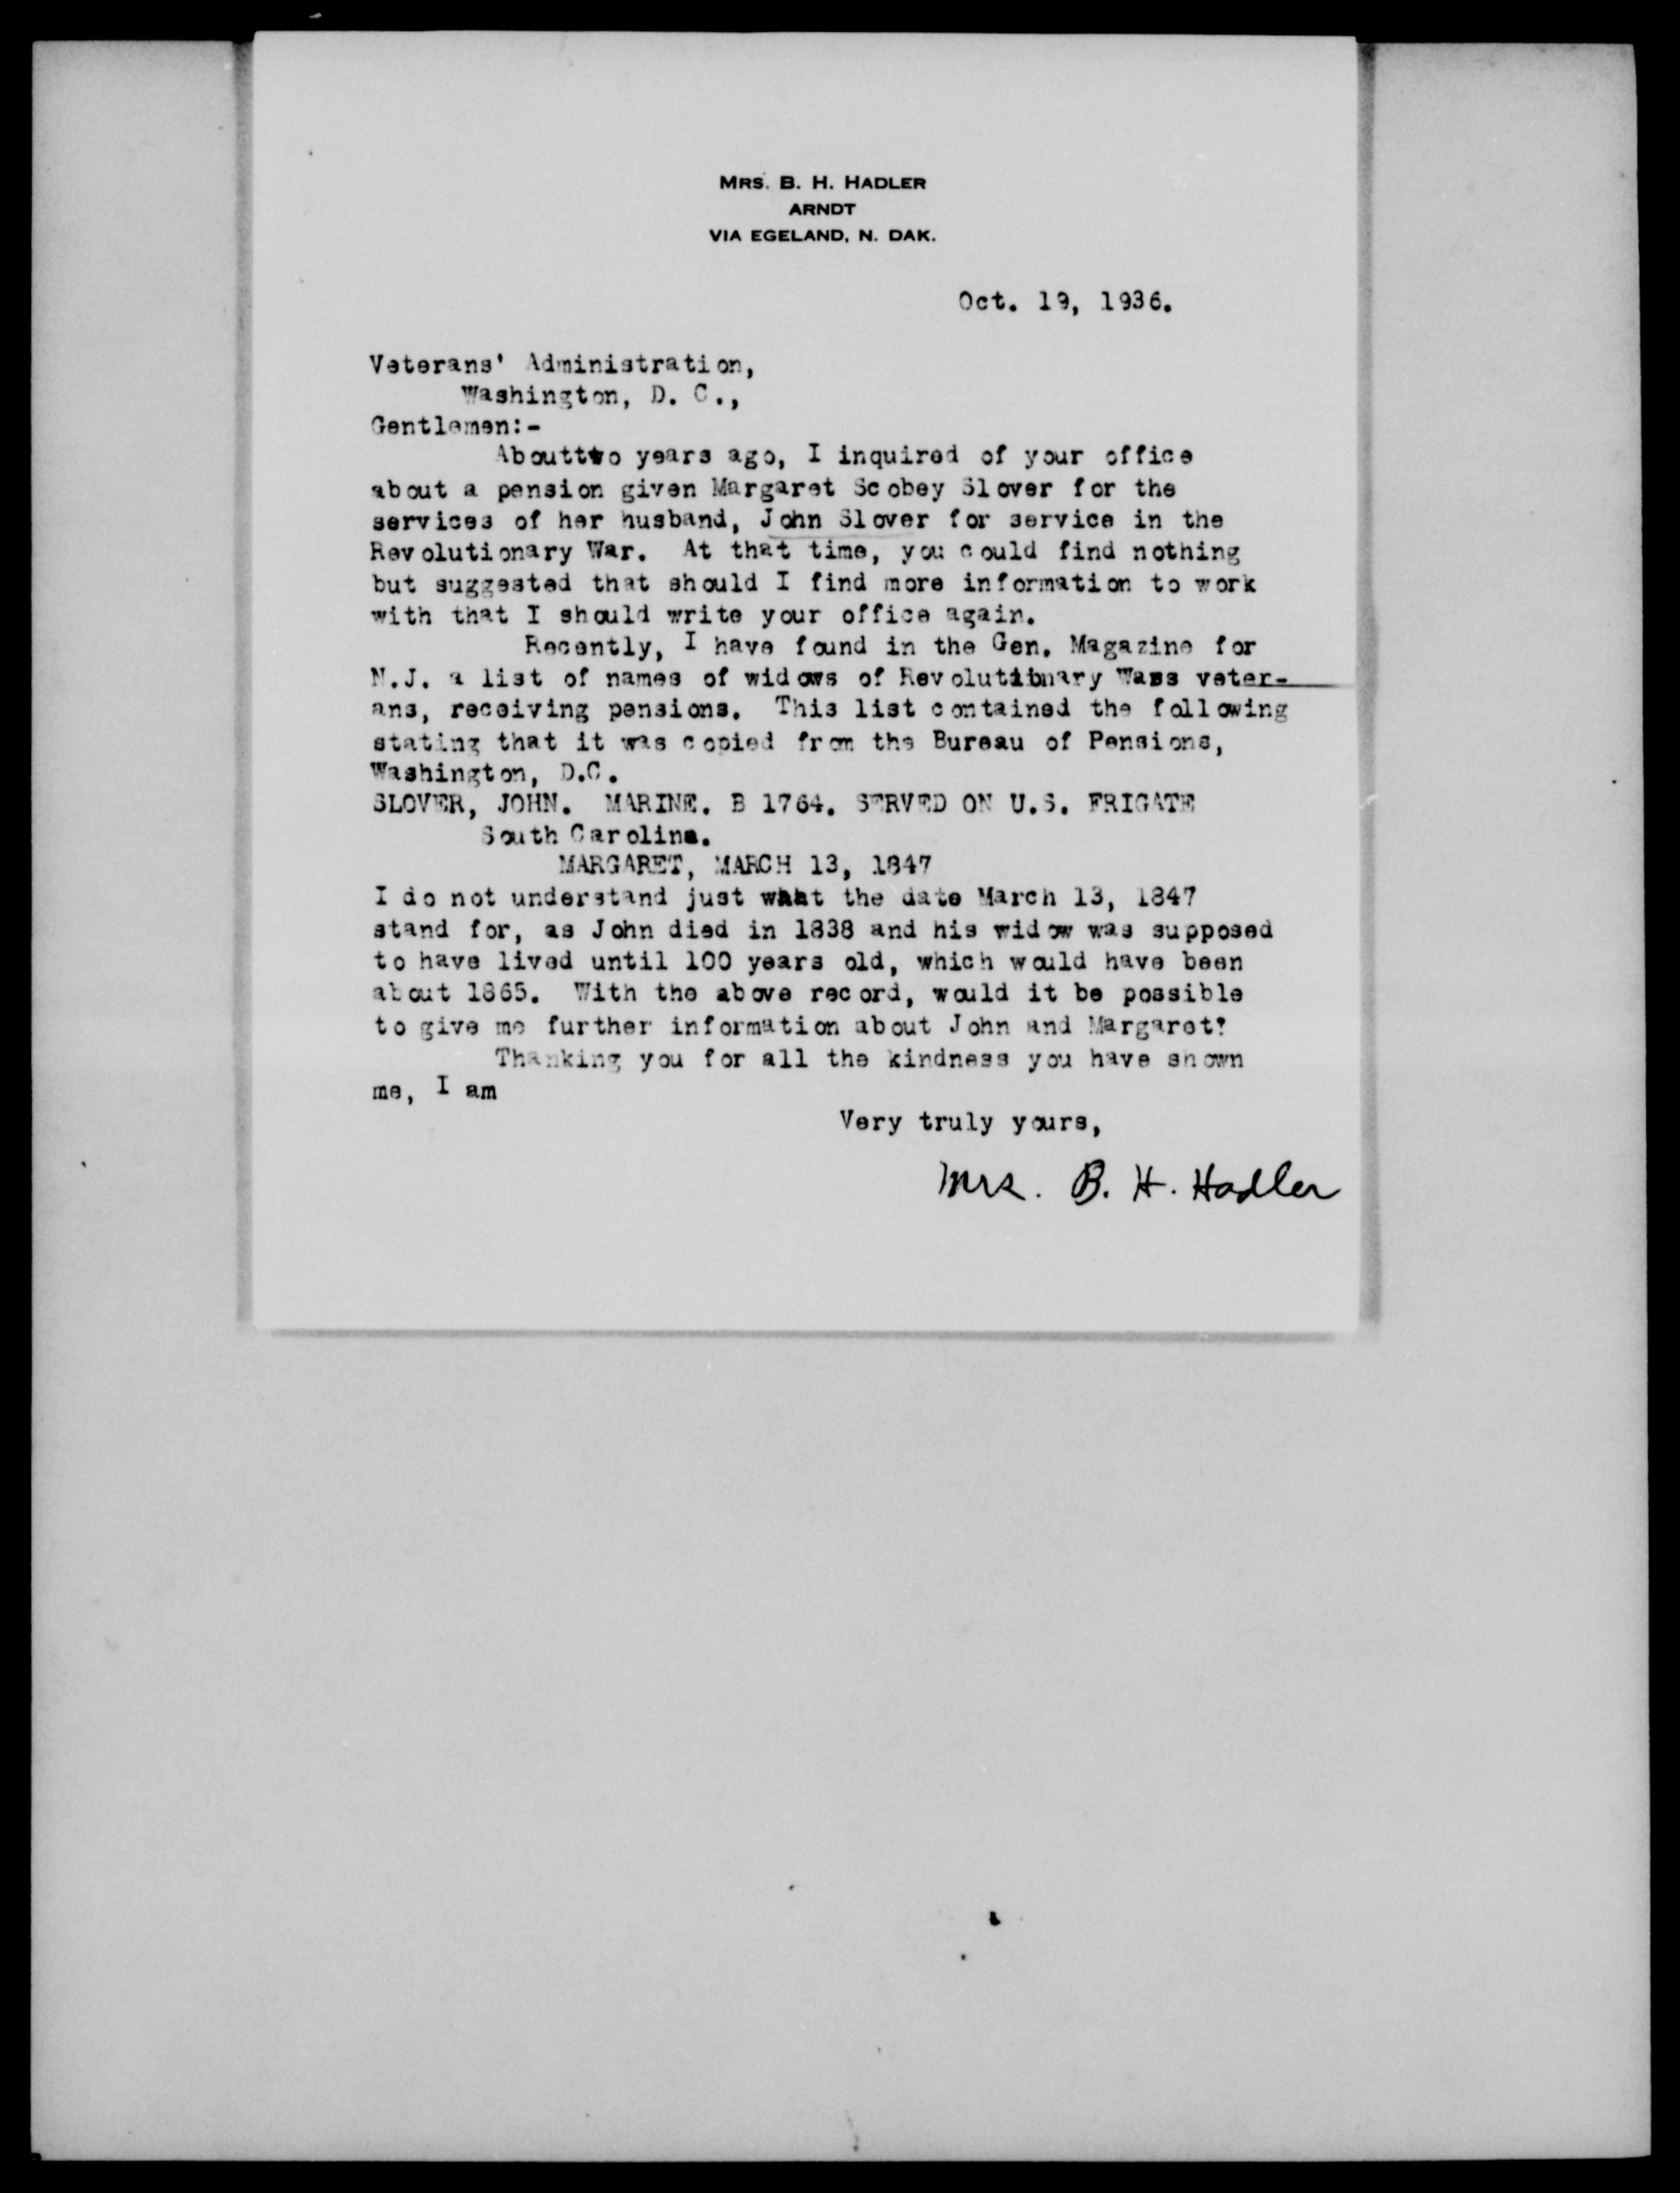MRS. B. H. HADLER
ARNDT
VIA EGELAND, N. DAK.

Oct. 19, 1936.

Veterans' Administration,
Washington, D. C.,

Gentlemen:-

About two years ago, I inquired of your office about a pension given Margaret Scobey Slover for the services of her husband, John Slover for service in the Revolutionary War. At that time, you could find nothing but suggested that should I find more information to work with that I should write your office again.

Recently, I have found in Gen. Magazine for N.J. a list of names of widows of Revolutionary War veterans, receiving pensions. This list contained the following stating that it was copied from the Bureau of Pensions, Washington, D.C.

SLOVER, JOHN. MARINE. B 1764. SERVED ON U.S. FRIGATE South Carolina.
MARGARET, MARCH 13, 1847

I do not understand just what the date March 13, 1847 stand for, as John died in 1838 and his widow was supposed to have lived until 100 years old, which would have been about 1865. With the above record, would it be possible to give me further information about John and Margaret?

Thanking you for all the kindness you have shown me, I am

Very truly yours,
Mrs. B. H. Hadler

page: 28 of 46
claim: widow's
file: W. 6205, for John Slover, New Jersey